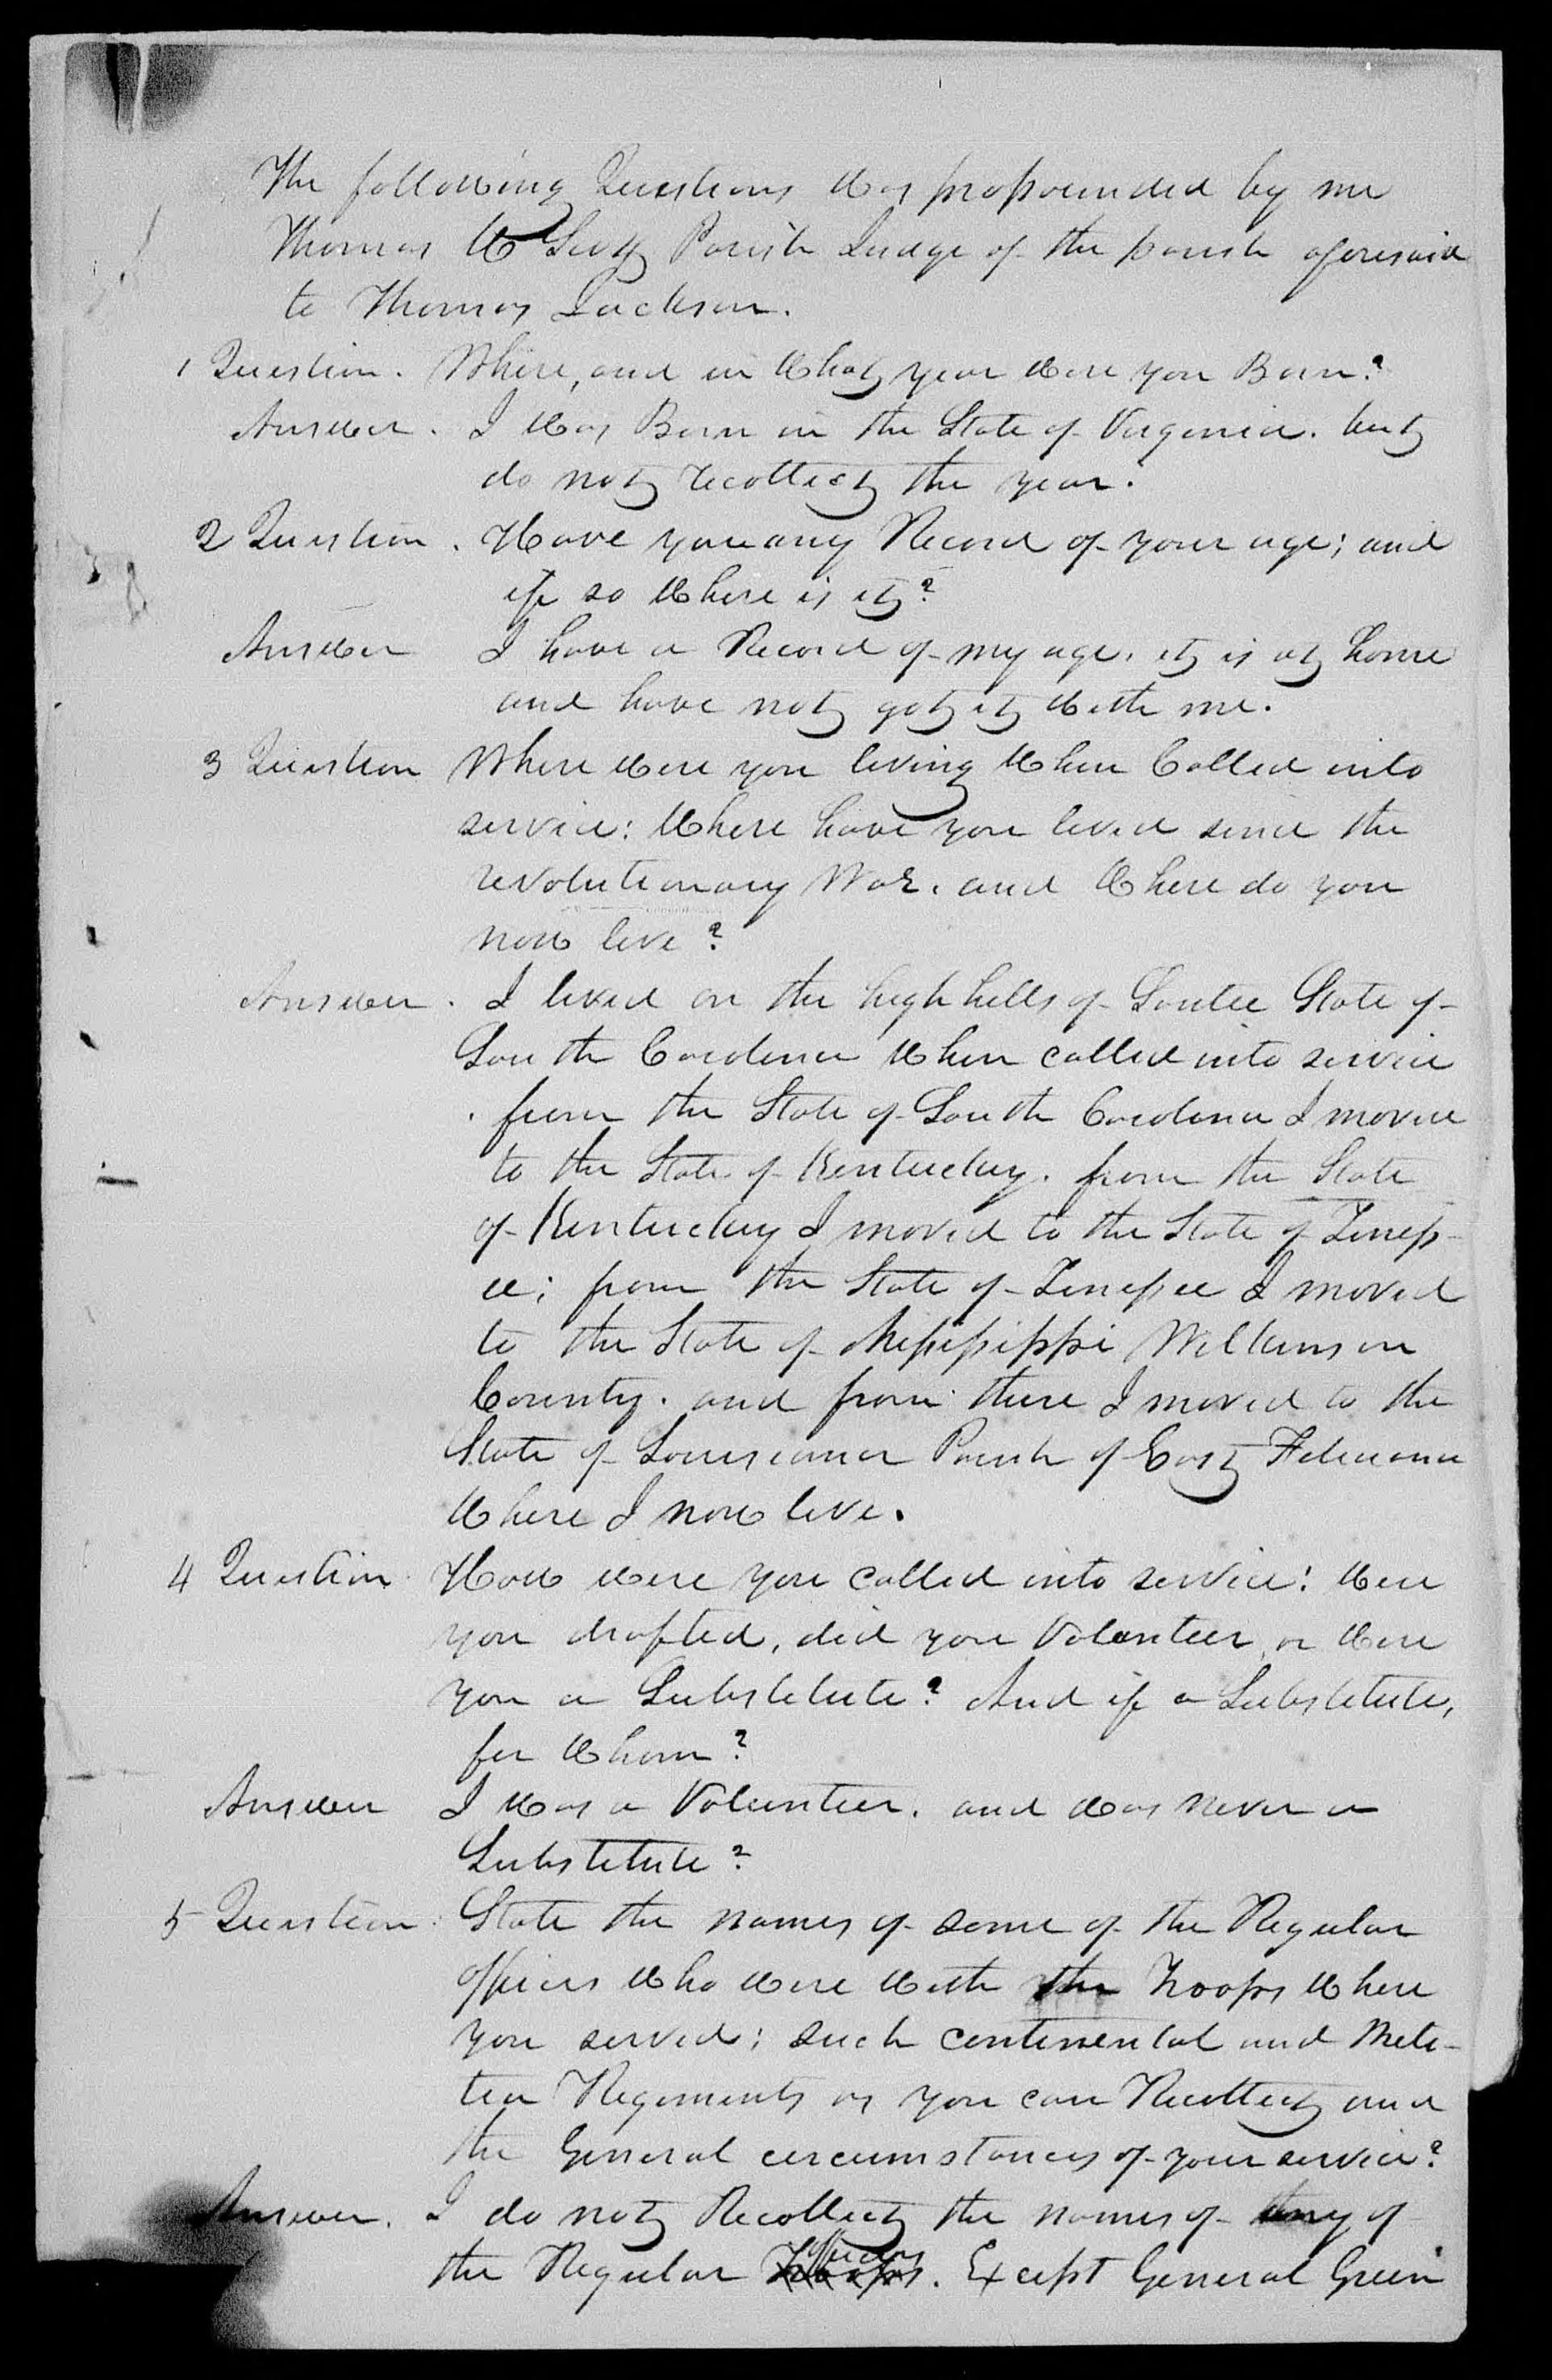The following questions as propounded by me
Thomas W Guy Parish Judge of the Parish aforesaid
to Thomas Jackson.
1 Question. Where and in what year were you born?
    Answer. I was born in the State of Virginia but
do not recollect the year.
2 Question. Have you any Record of your age; and
if so where is it?
   Answer I have a Record of my age, it is at home
and have not go it with me.
3 Question. Where were you living when called into
service: Where have you lived since the
revolutionary War and where do you
now live?
   Answer. I lived on the high hills of Santee State of
South Carolina when called into service.
from the State of South Carolina I moved to
the State of Kentucky. from the State of
Kentucky I moved to the State of Tenessee;
from the State of Tennessee I moved to
the State of Mississippi Wilkinson
County. and from there I moved to the
State of Louisiana Paint of East Feliciana Parish
where I now live.
4 Question. How were you called into service; were
you drafted, did you volunteer or were
you a substitute? And if a Substitute
for whom?
   Answer. I was a Volunteer, and was never a substitute.
5 Question. State the names of some of the Regular
officers who were with the troops where
you served; such continental and Militia
Regiments as you can recollect and
the General circumstances of your service?
   Answer. I do not recollect the names of any of
the Regularofficers.  Except General Green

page: 6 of 54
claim: survivor's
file: S. 31166, for Thomas Jackson, South Carolina